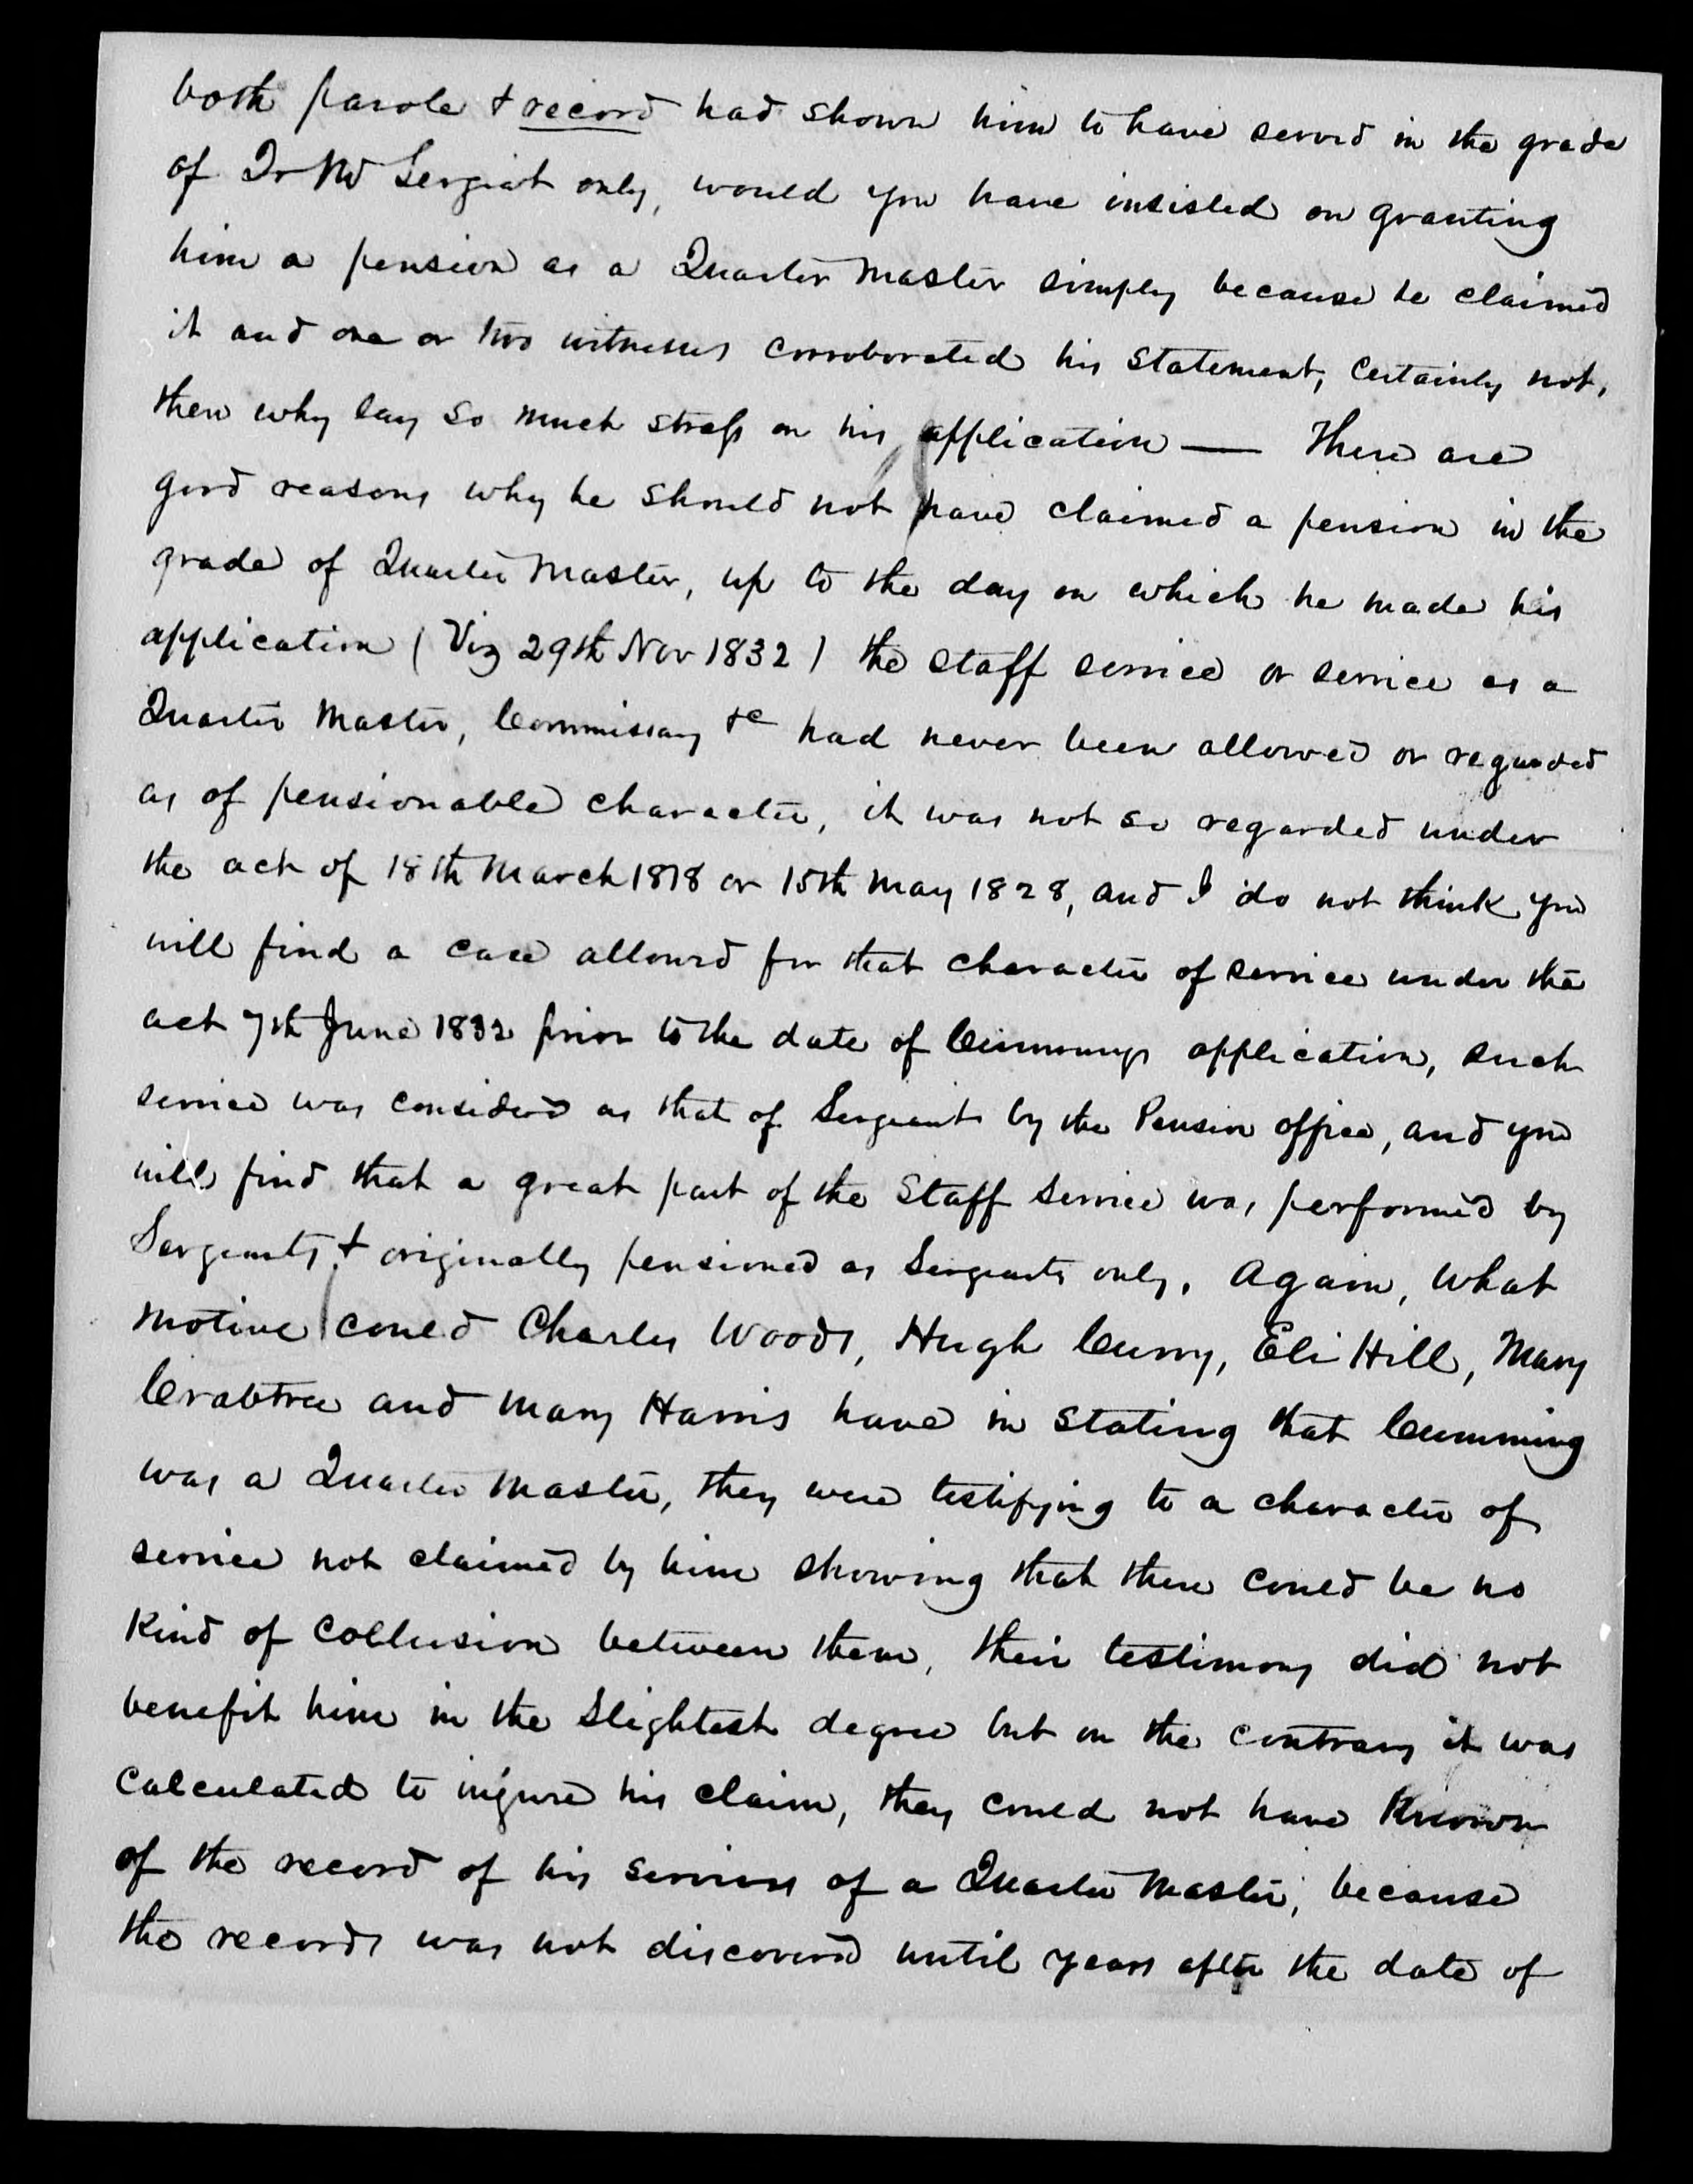[Continuation of handwritten letter. Occasional spacing has been included to make the long text block easier to read.]


both parole and [here the following word is underlined:] record had shown him to have served in the grade of QrMs [Quarter Master] Sergeant only, would you have insisted on granting him a pension as a Quarter Master simply because he claimed it and one or two witnesses corroborated his Statement, certainly not, then why lay So much Stress on his application __

There are good reasons why he Should not have claimed a pension in the grade of Quarter Master, up to the day on which he made his application (Viz 29th Nov 1832)   The staff service or service as a Quarter Master, Commissary &c [and etcetera] had never been allowed or regarded as of pensionable character, it was not so regarded under the act of 18th March 1818 or 15th May 1828, and I do not think you will find a case allowed for that character of service under the act 7th June 1832 prior to the date of Cummings application

such service was considered as that of Sergeant by the Pension office, and you will find that a great part of the Staff Service was performed by Sergeants. + originally pensioned as Sergeants only, Again, What Motive could Charles Woods, Hugh Curry, Eli Hill, Mary Crabtree and Mary Harris have in Stating that Cumming was a Quarter Master, they were testifying to a character of service not claimed by him showing that there could be no Kind of Collusion between them, their testimony did not benefit him in the Slightest degree but on the contrary it was Calcuated to injure his claim, they could not have Known of the record of his services of a Quarter Master; because the record [or records] was not discovered until years after the date of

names: Mary Harris, Mary Crabtree, Eli Hill, Cumming, Cummings, Hugh Curry, Charles Woods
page: 35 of 145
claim: survivor's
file: S. 8265, William Cumming, N.C.